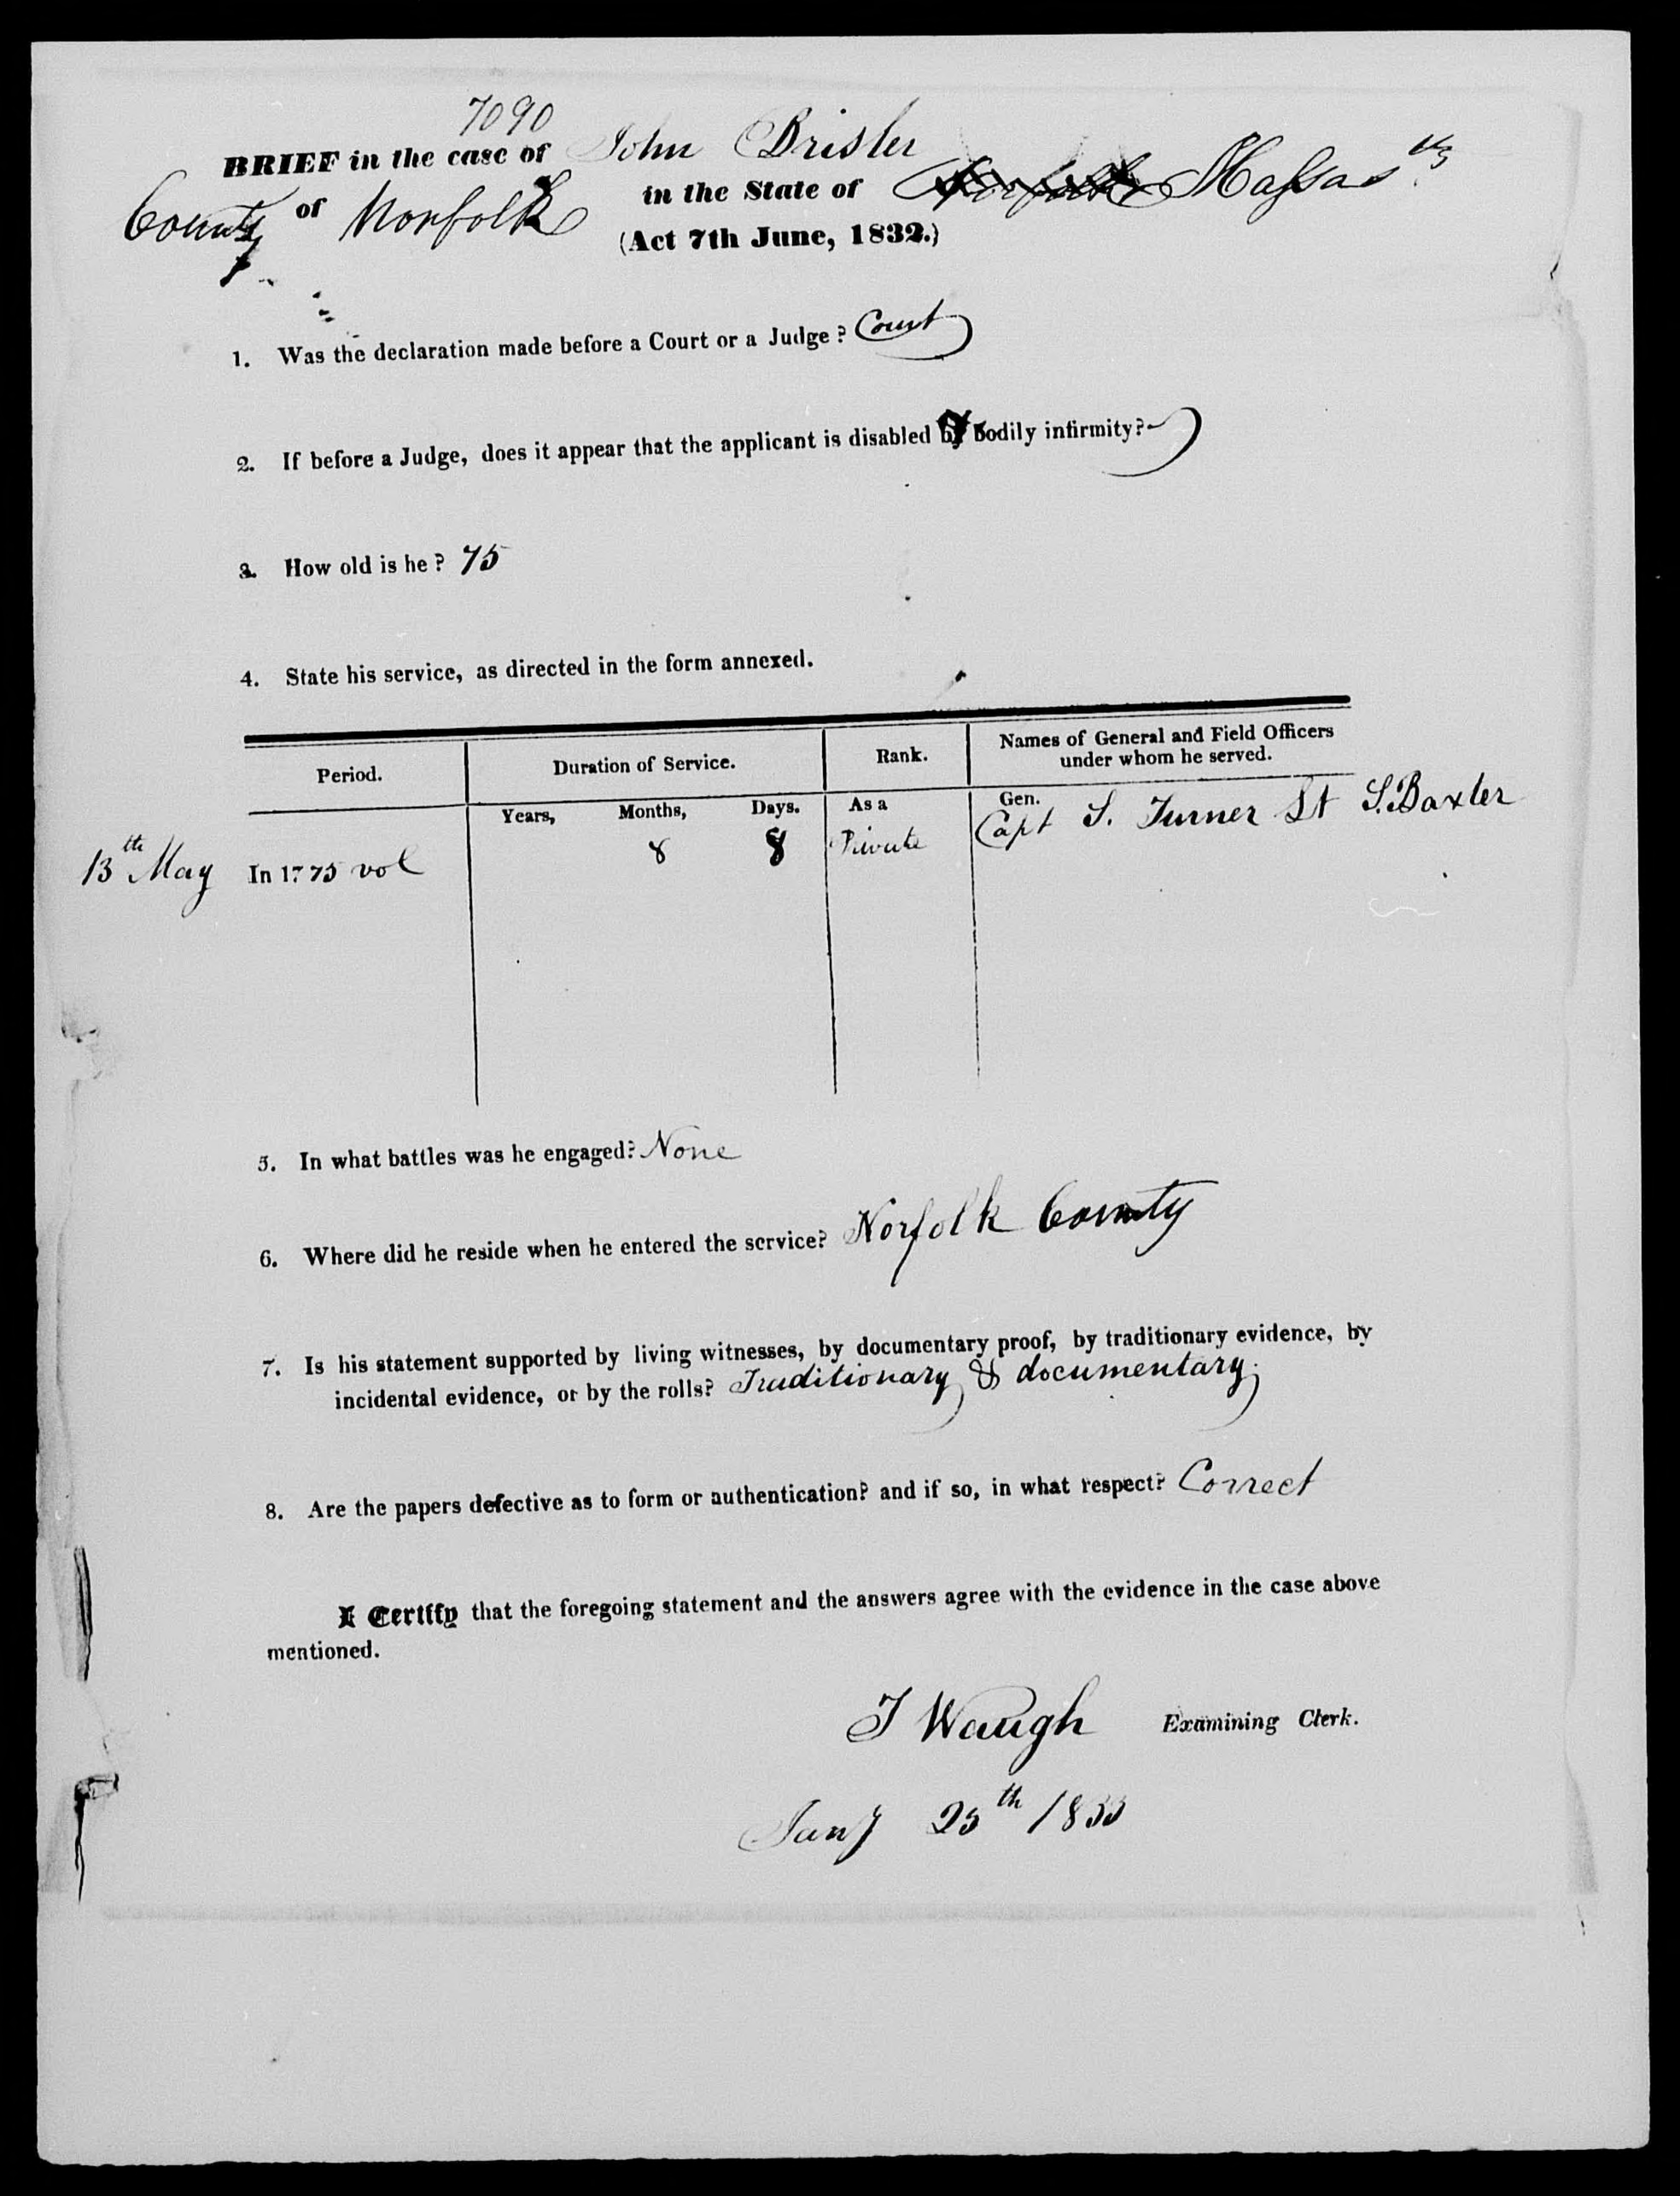7090 
BRIEF in the case of John Brisler County of Norfolk in the State of Massa (Act 7th June, 1832.)
1. Was the declaration made before a Court or a Judge? Court 
2. If before a Judge, does it appear that the applicant is disabled by bodily infirmity?
3. How old is he? 75
4. State his service, as directed in the form annexed. 
Period 13th May in 1775  vol 
Duration of Service 
8 mos 3 days 
Rank As a Private 
Name of General and Field Officers under whom he served Capt L. Turner St. L Baxter
5. In what battles was he engaged? None
6. Where did he reside when he entered the service? Norfolk County 
7. Is his statement supported by living witnesses, by documentary proof, by traditionary evidence, by incidental evidence, or by the rolls? Traditionary & documentary 
8. Are the papers defective as to form or authentication? and if so, in what respect? Correct 
X Certify that the foregoing statement and the answers agree with the evidence in the case above mentioned. 
L Waugh Examining Clerk Jany 25th 1833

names: S Waugh, S Baxter, S Turner, John Brisler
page: 5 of 46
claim: widow's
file: W. 23,673, John Brisler, Mass.